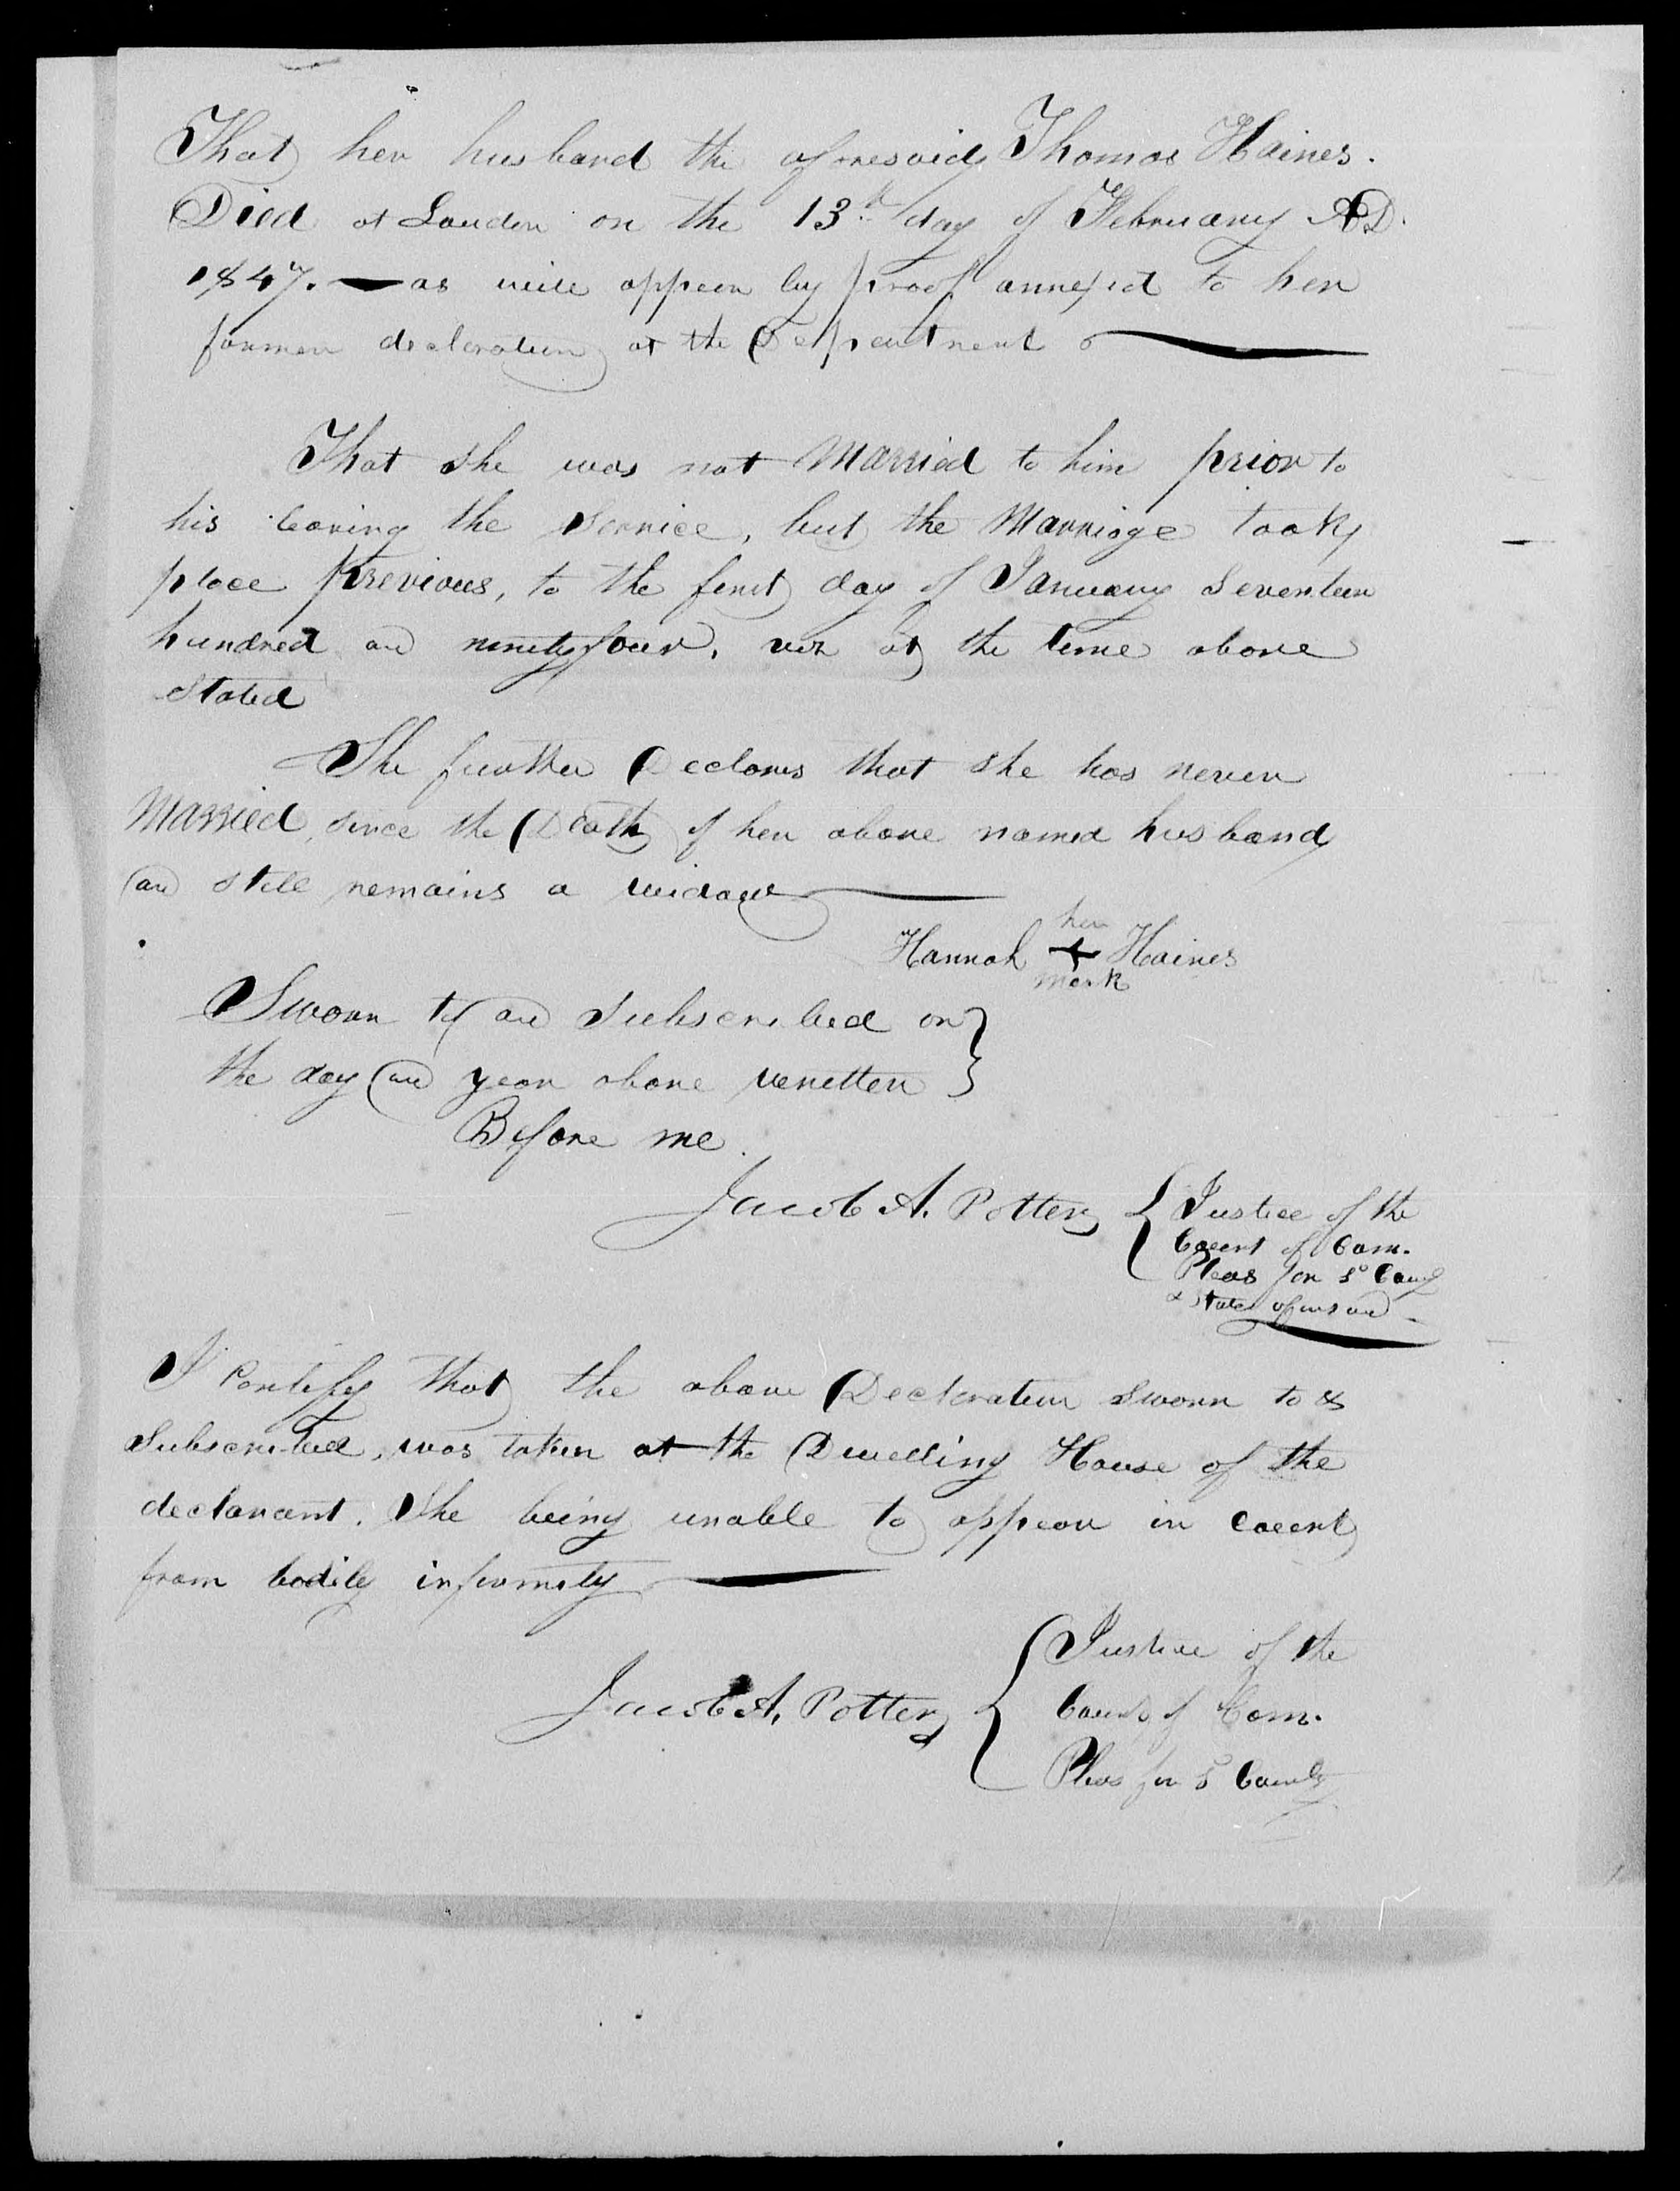That
her husband the aforesaid Thomas Haines
Died at Loudon on the 13th day of February AD
1847. as will appear by proof annexed to her
former declaration at the Department
That she was not married to him prior to
his leaving the service, but the Marriage took
place previous, to the first day of January Seventeen
hundred and ninety four, [illegible viz] at the time above
Stated
She further declares that she has never
married since the death of her above named husband
and still remains a widow
Hannah F Haines
her mark
Sworn to and subscribed on
the day and year above written ⎬
Before me
Jacob A. Potter
Justice of the Agent of Com Please for Cause of stated of widow.

I certify that the above Declaration sworn to &
Subscribed, was taken at the Deceding House of the
declarant. She being unable to appear in County from bodily infirmity
Jacob A. Potter
Justice of the Court of Com Pleas for the County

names: Jacob A Potter, Hannah Haines, Thomas Haines, Jacob A Potter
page: 57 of 57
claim: widow's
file: W. 23217, Thomas Haines, N H